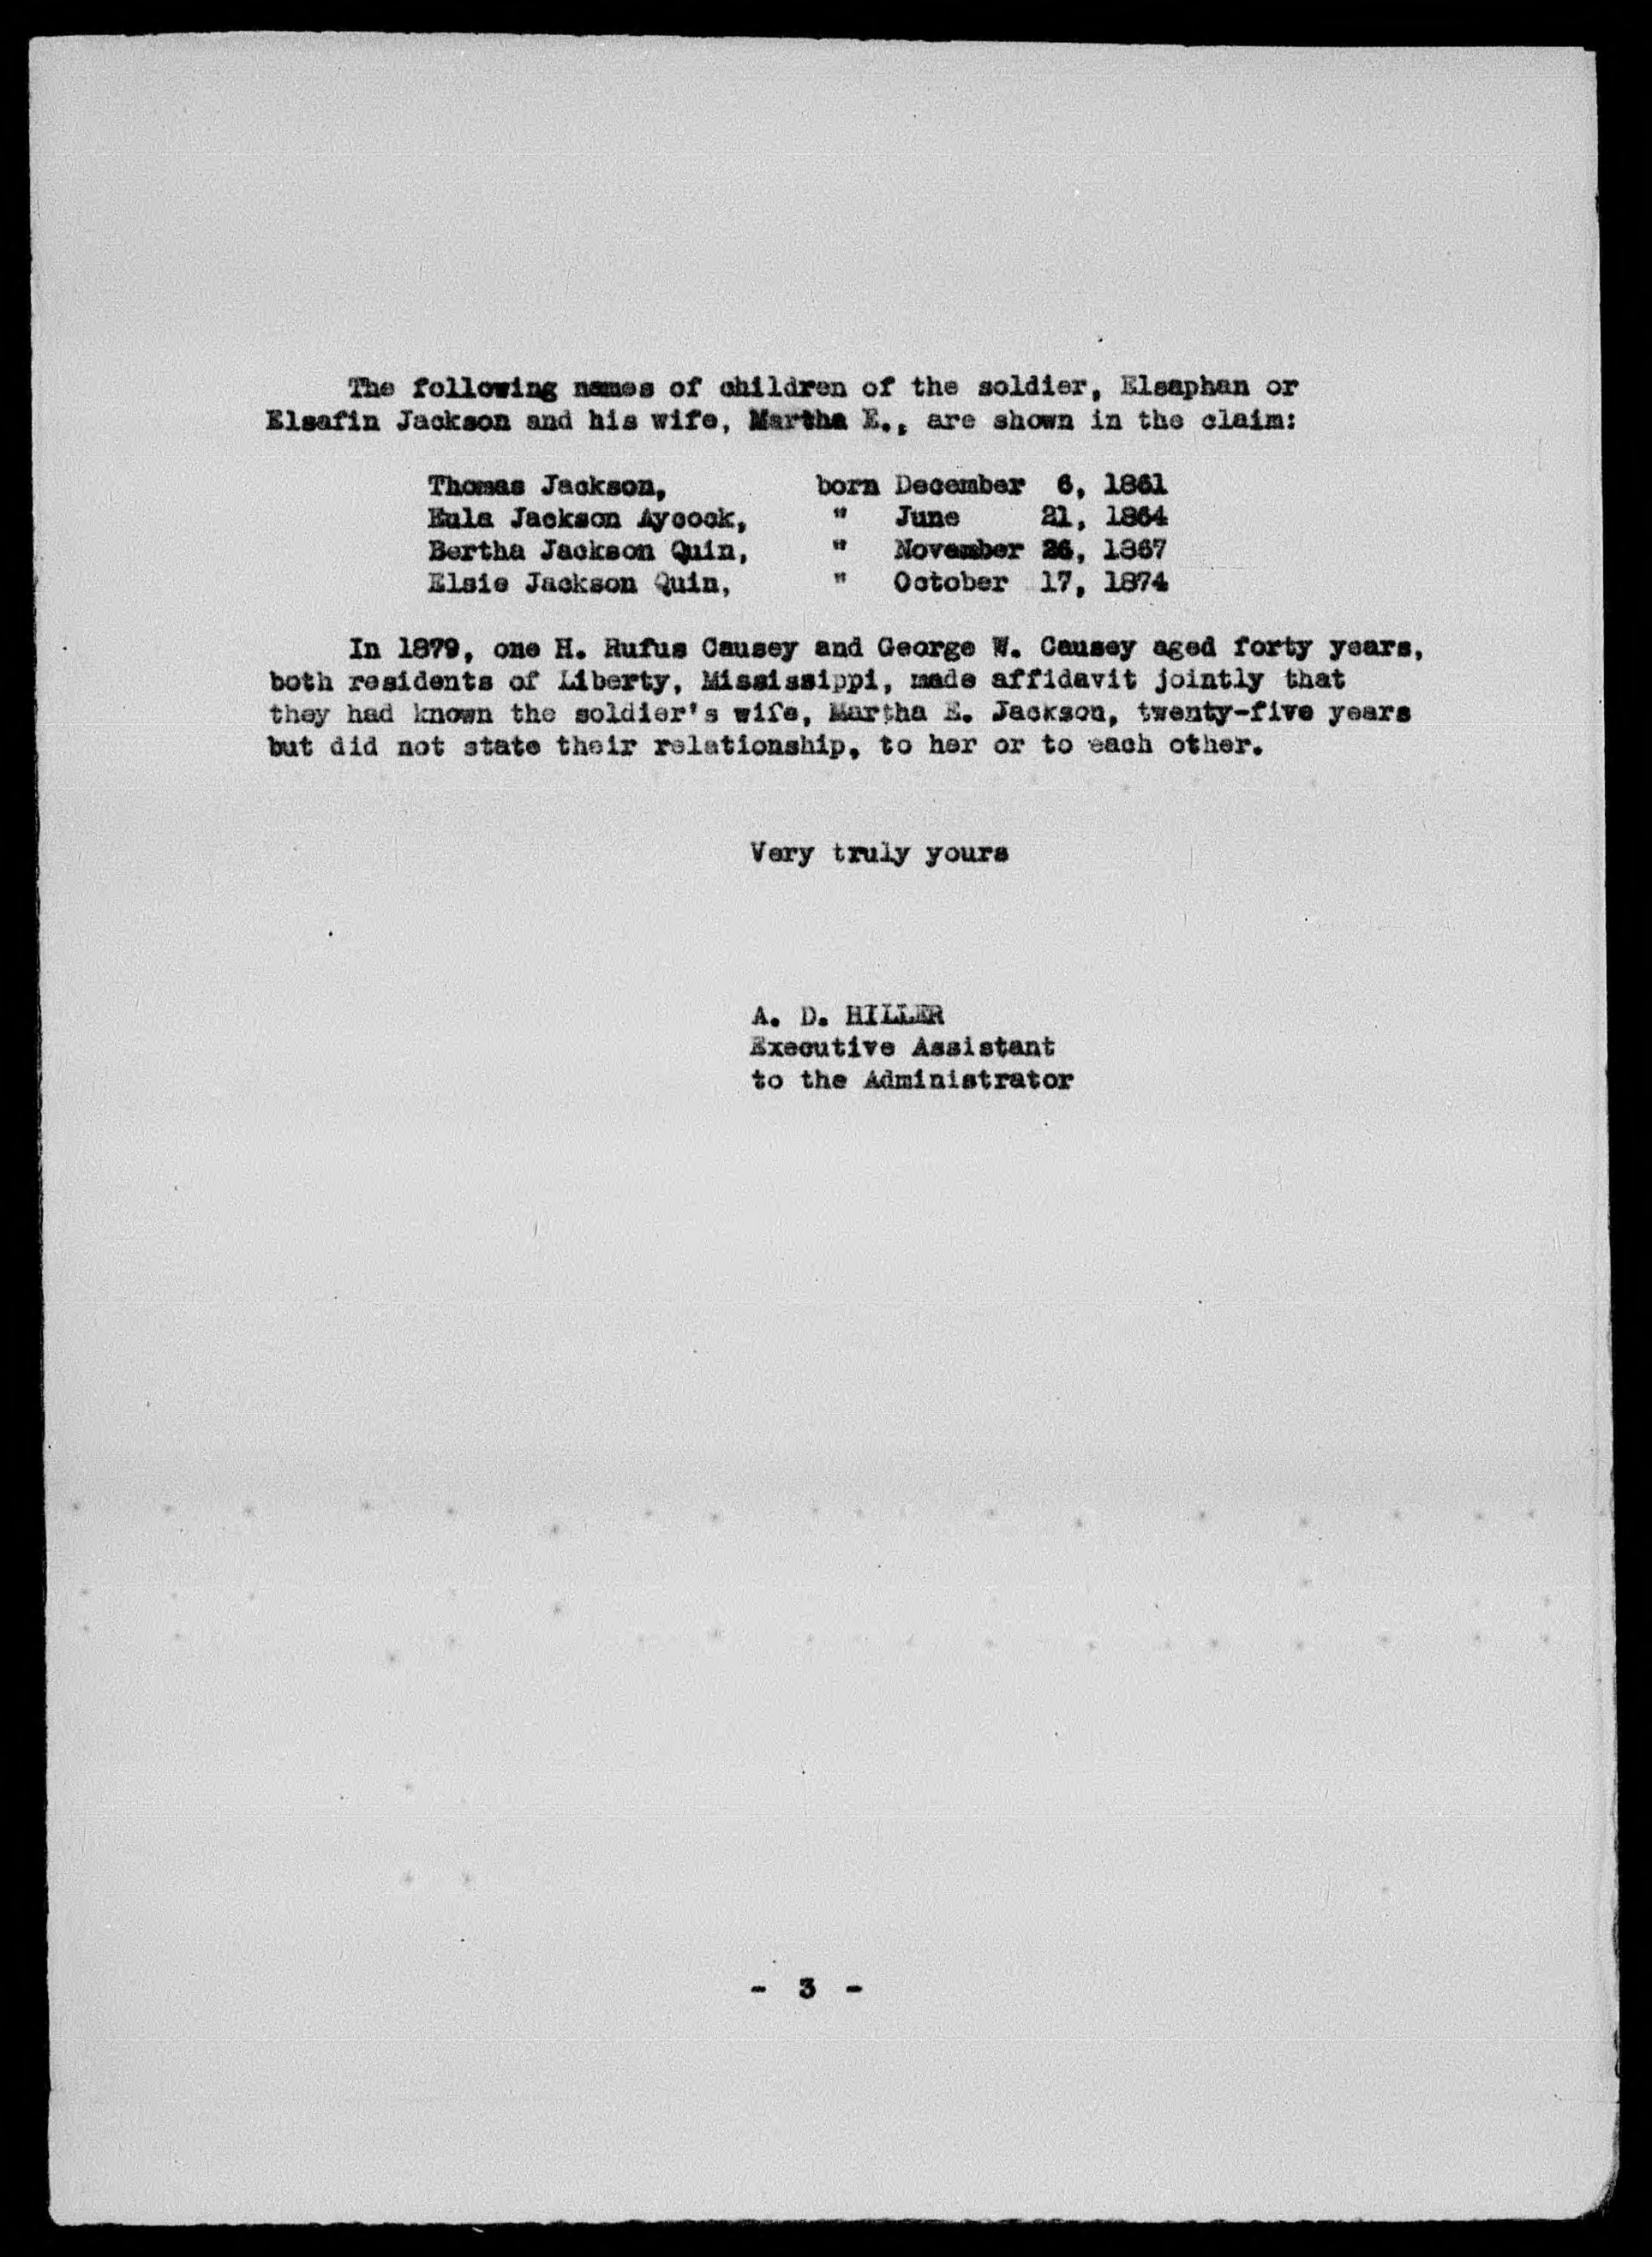The following names of children of the soldier, Elsaphan or
Elsafin Jackson and his wife, Martha E., are shown in the claim:
Thomas Jackson, born December 6,1861
Eula Jackson Aycock, "[born] June 21, 1864
Bertha Jackson Quin,  "[born] November 26,1867
Elsie Jackson Quin,  "[born] October 17,1874

In 1879, one H. Rufus Causey and George N. Causey aged forty years,
both residents of Liberty, Mississippi, made affidavit jointly that
they had known the soldier's wife, Martha E. Jackson, twenty-five years
but did not state their relationship to her or to each other.

Very truly yours
A. D. HILLER
Executive Assistant
to the Administrator

- 3 -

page: 51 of 54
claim: survivor's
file: S. 31166, for Thomas Jackson, South Carolina